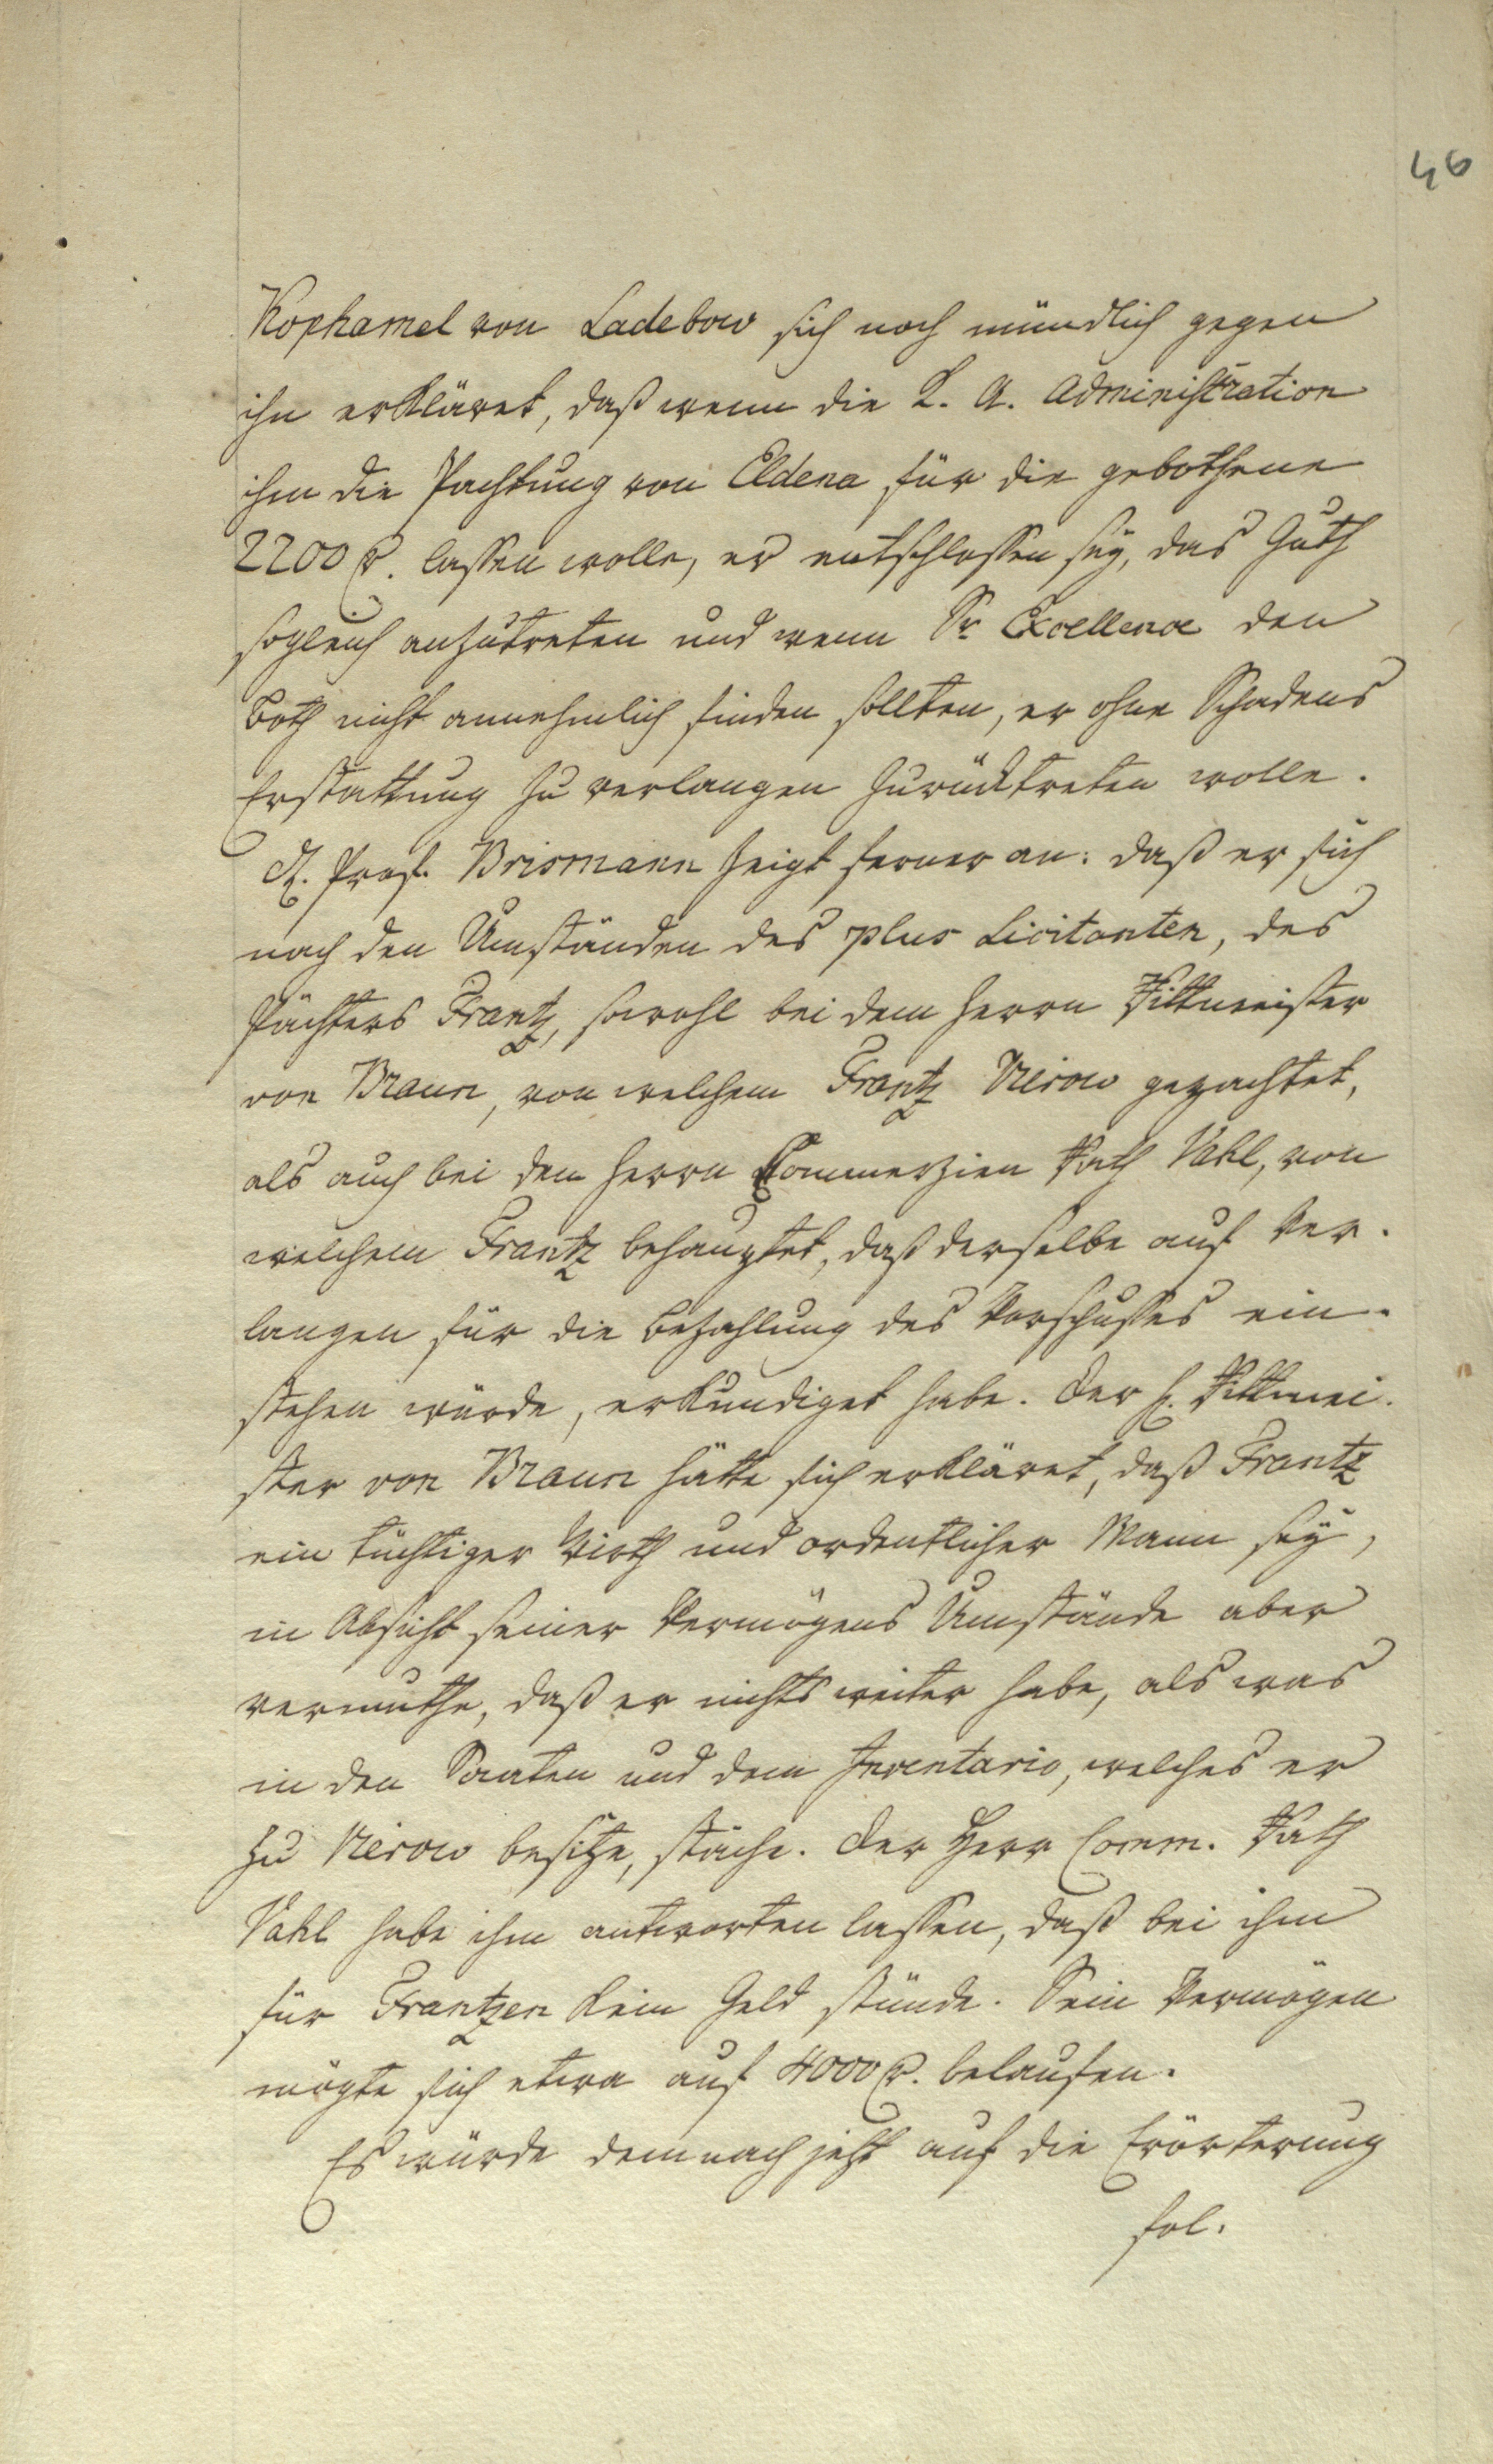Kophamel von Ladebow sich noch mündlich gegen
ihn erkläret, daß wenn die K. A. Administration
ihm die Pachtung von Eldena für die gebothene
2200 l. lassen wolle, er entschlossen seÿ, das Guth
sogleich anzutreten und wenn Sr Excellence den
Both nicht anehmlich finden sollten, er ohne Schadens
Erstattung zu verlangen zurücktreten wolle.
dh. Prof. Brismann zeigt ferner an: daß er sich
nach den Umständen des plus Licitanten, des
Pächters Frantz, sowohl bei dem Herrn Rittmeister
von Braun, von welchem Frantz Vierow gepachtet,
als auch bei dem Herrn Commerzien Rath Vahl, von
welchem Frantz behauptet, daß derselbe auf Ver¬
langen für die Bezahlung des Vorschusses ein¬
stehen würde, erkundiget habe. Der h. Rittmei¬
ster von Braun hätte sich erkläret, daß Frantz
ein tüchtiger Wirth und ordentlicher Mann seÿ,
in Absicht seiner Vermögens Umstände aber
vermuthe, daß er nichts weiter habe, als was
in den Saaten und dem Inventario, welches er
zu Vierow besitze, stäche. Der Herr Comm. Rath
Vahl habe ihm antworten lassen, daß bei ihm
für Frantzen kein Geld stünde. Sein Vermögen
mögte sich etwa auf 4000 l. belaufen.
Es würde demnach jetzt auf die Erörterung
fol